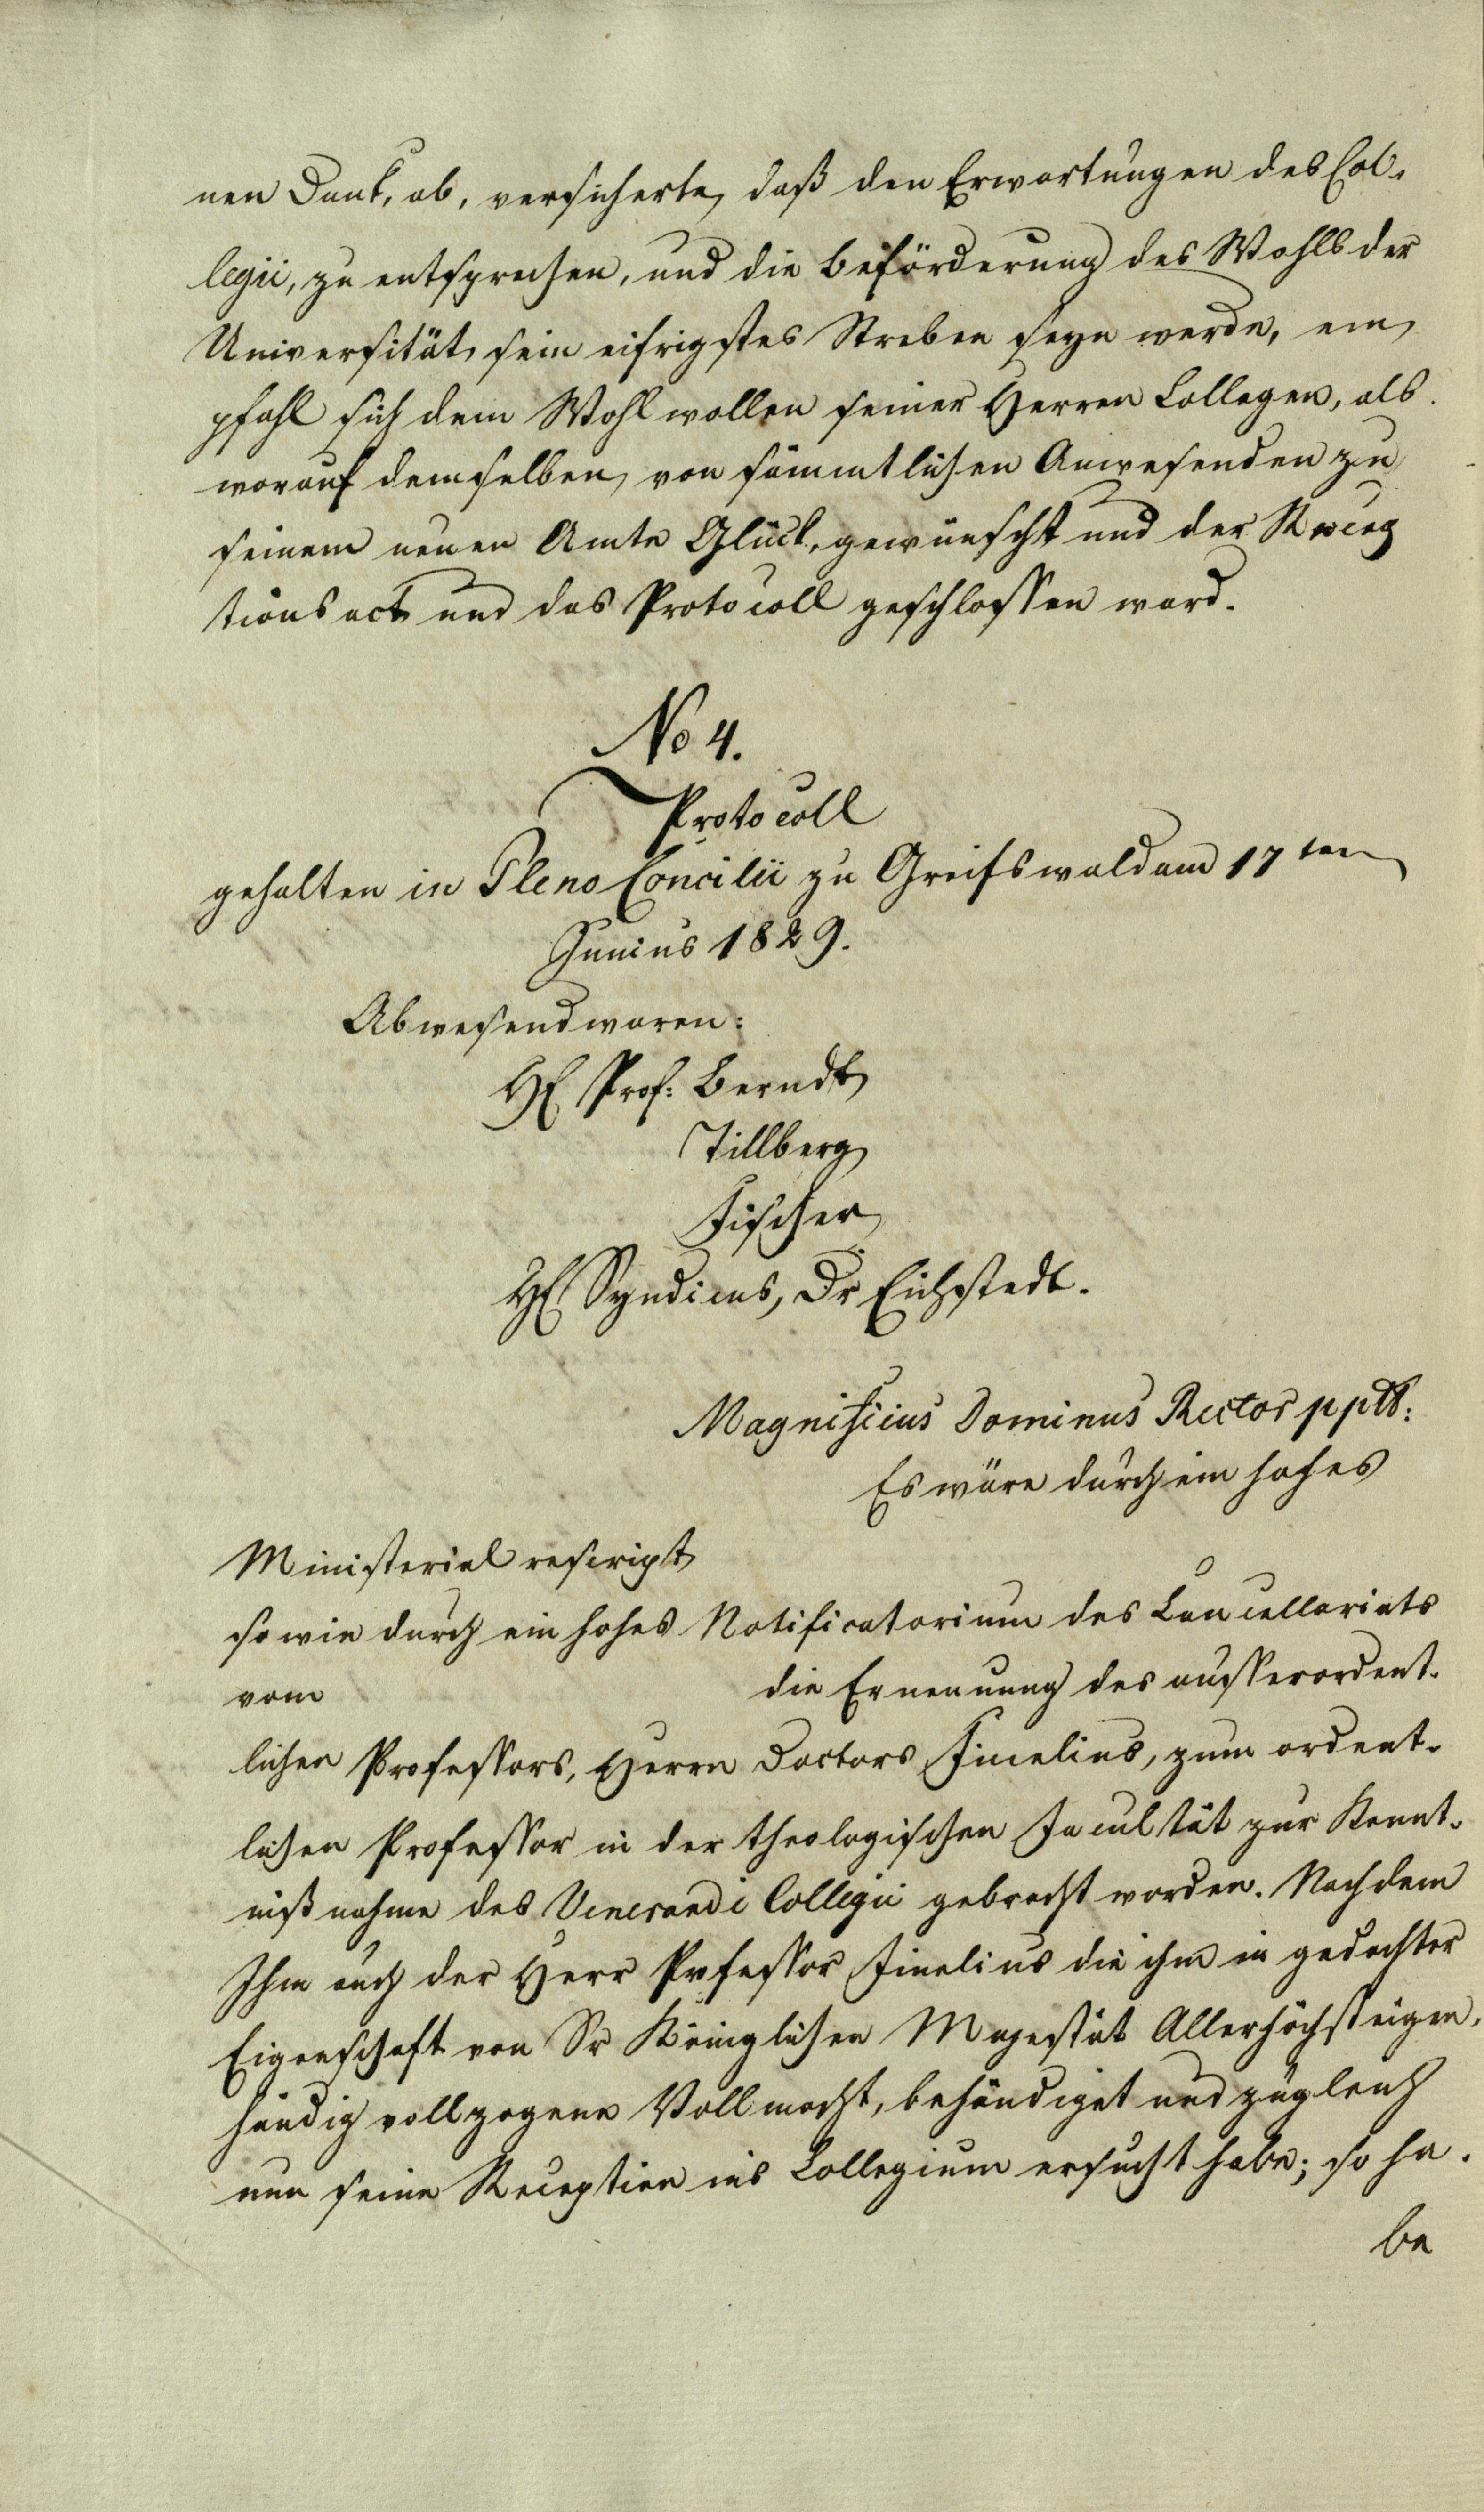nen Dank ab, versicherte, daß den Erwartungen des Col¬
legii, zu entsprechen, und die Beförderung des Wohls der
Universität sein eifrigstes Streben seyn werde, em¬
pfahl sich dem Wohl wollen seiner Herren Collegen, als
worauf demselben, von sämmtlichen Anwesenden zu
seinem neuen Amte Glück gewünscht und der Recep¬
tionsact und das Protocoll geschlossen ward.
Nº 4.
Protocoll
gehalten in Pleno Concilii zu Greifswald am 17ten
Junius 1829.
Abwesend waren:
HE Prof: Berndt,
Tillberg,
Fischer,
HE Syndicus, Dr Eichstedt.
Magnificus Dominus Rector pp tt:
Es wäre durch ein hohes
Minsterialrescript
sowie durch ein hohes Notificatorium des Cancellariats
vom die Ernennung des außerordent¬
lichen Professors, Herrn Doctors Finelius, zum ordent¬
lichen Professor in der theologischen Facultät zur Kennt¬
nisnahme des Venerandi Collegii gebracht worden. Nachdem
Ihm auch der Herr Professor Finelius die ihm in gedachter
Eigenschaft von Sr Königlichen Majestät Allerhöchsteigen¬
ständig vollzogenen Vollmacht, behändiget und zugleich
nun seine Reception ins Collegium ersucht habe; so ha¬
be